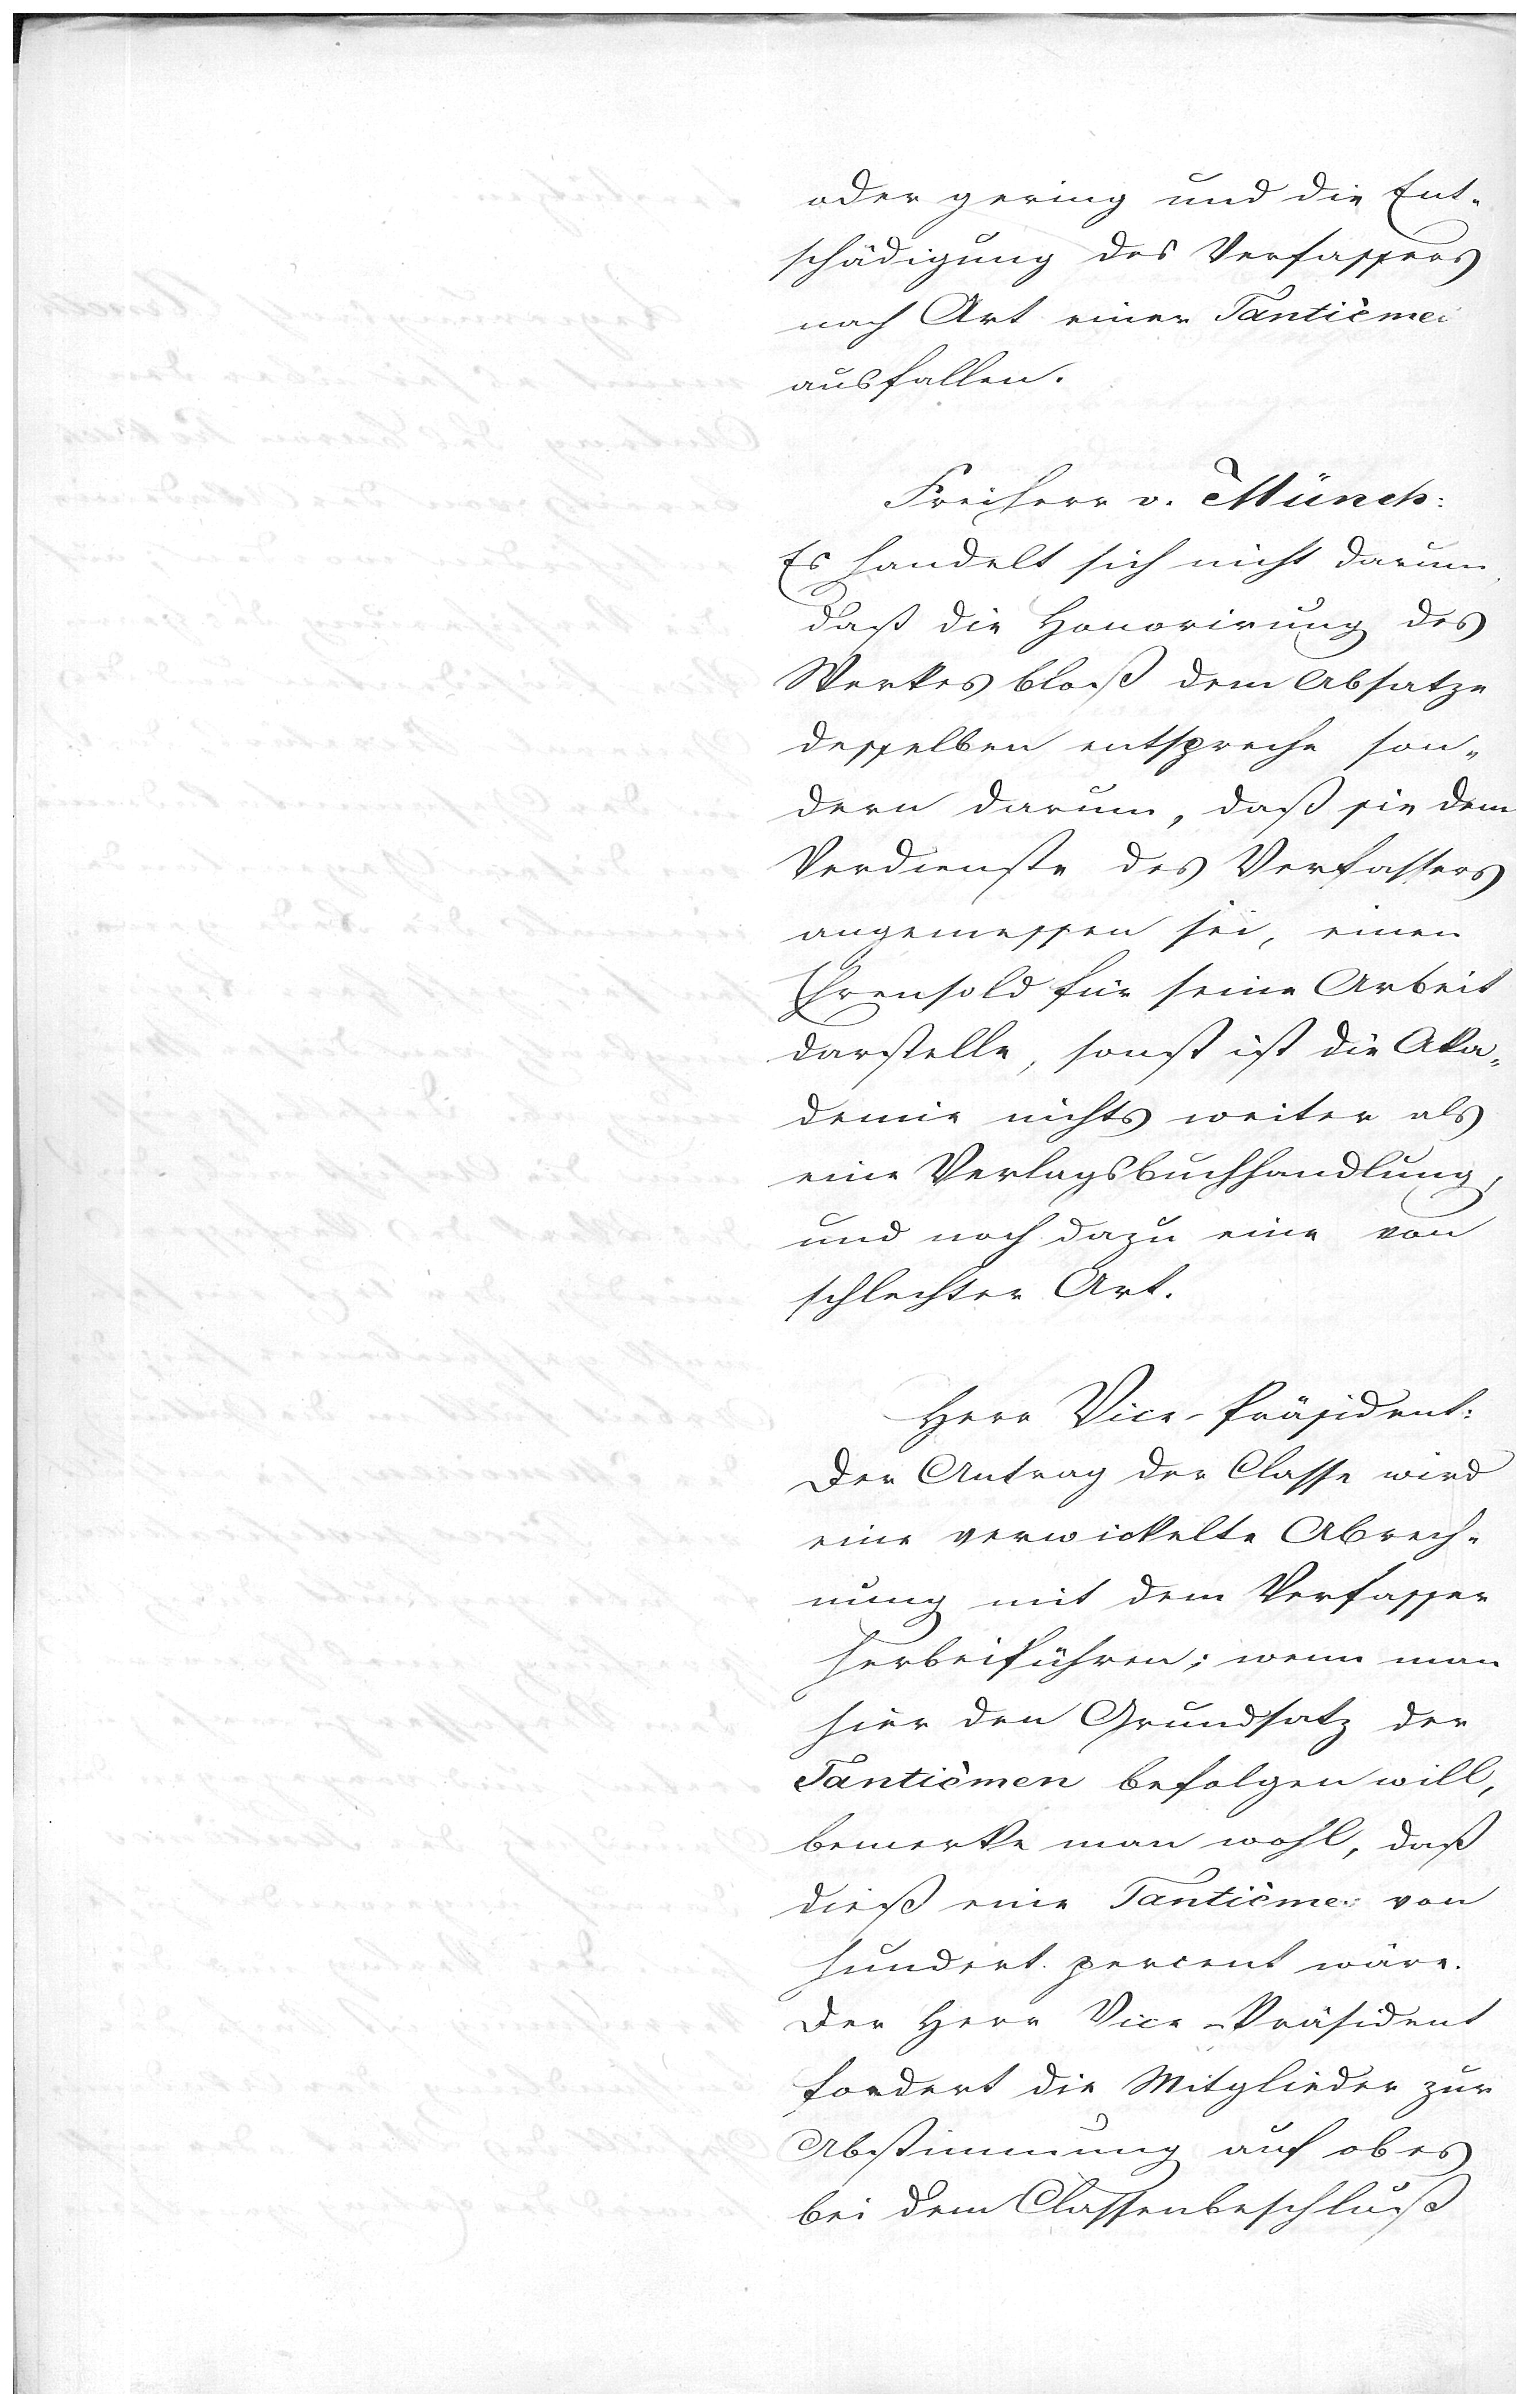oder gering und die Ent-
schädigung des Verfassers
nach Art einer Tantième
ausfallen.
Freiherr v. Münch:
Es handelt sich nicht darum,
daß die Honorirung des
Werkes bloß dem Absatze
desselben entspreche son-
dern darum, daß sie dem
Verdienste des Verfassers
angemessen sei, einen
Ehrensold für seine Arbeit
darstelle, sonst ist die Aka-
demie nichts weiter als
eine Verlagsbuchhandlung
und dazu eine von
schlechter Art.
Herr Vice-Präsident:
Der Antrag der Classe wird
eine verwickelte Abrech-
nung mit dem Verfasser
herbeiführen; wenn man
hier den Grundsatz der
Tantièmen befolgen will,
bemerke man wohl, daß
dieß eine Tanième von
hundert percent wäre.
Der Herr Vice-Präsident
fordert die Mitglieder zur
Abstimmung auf ob es
bei dem Classenbeschluß